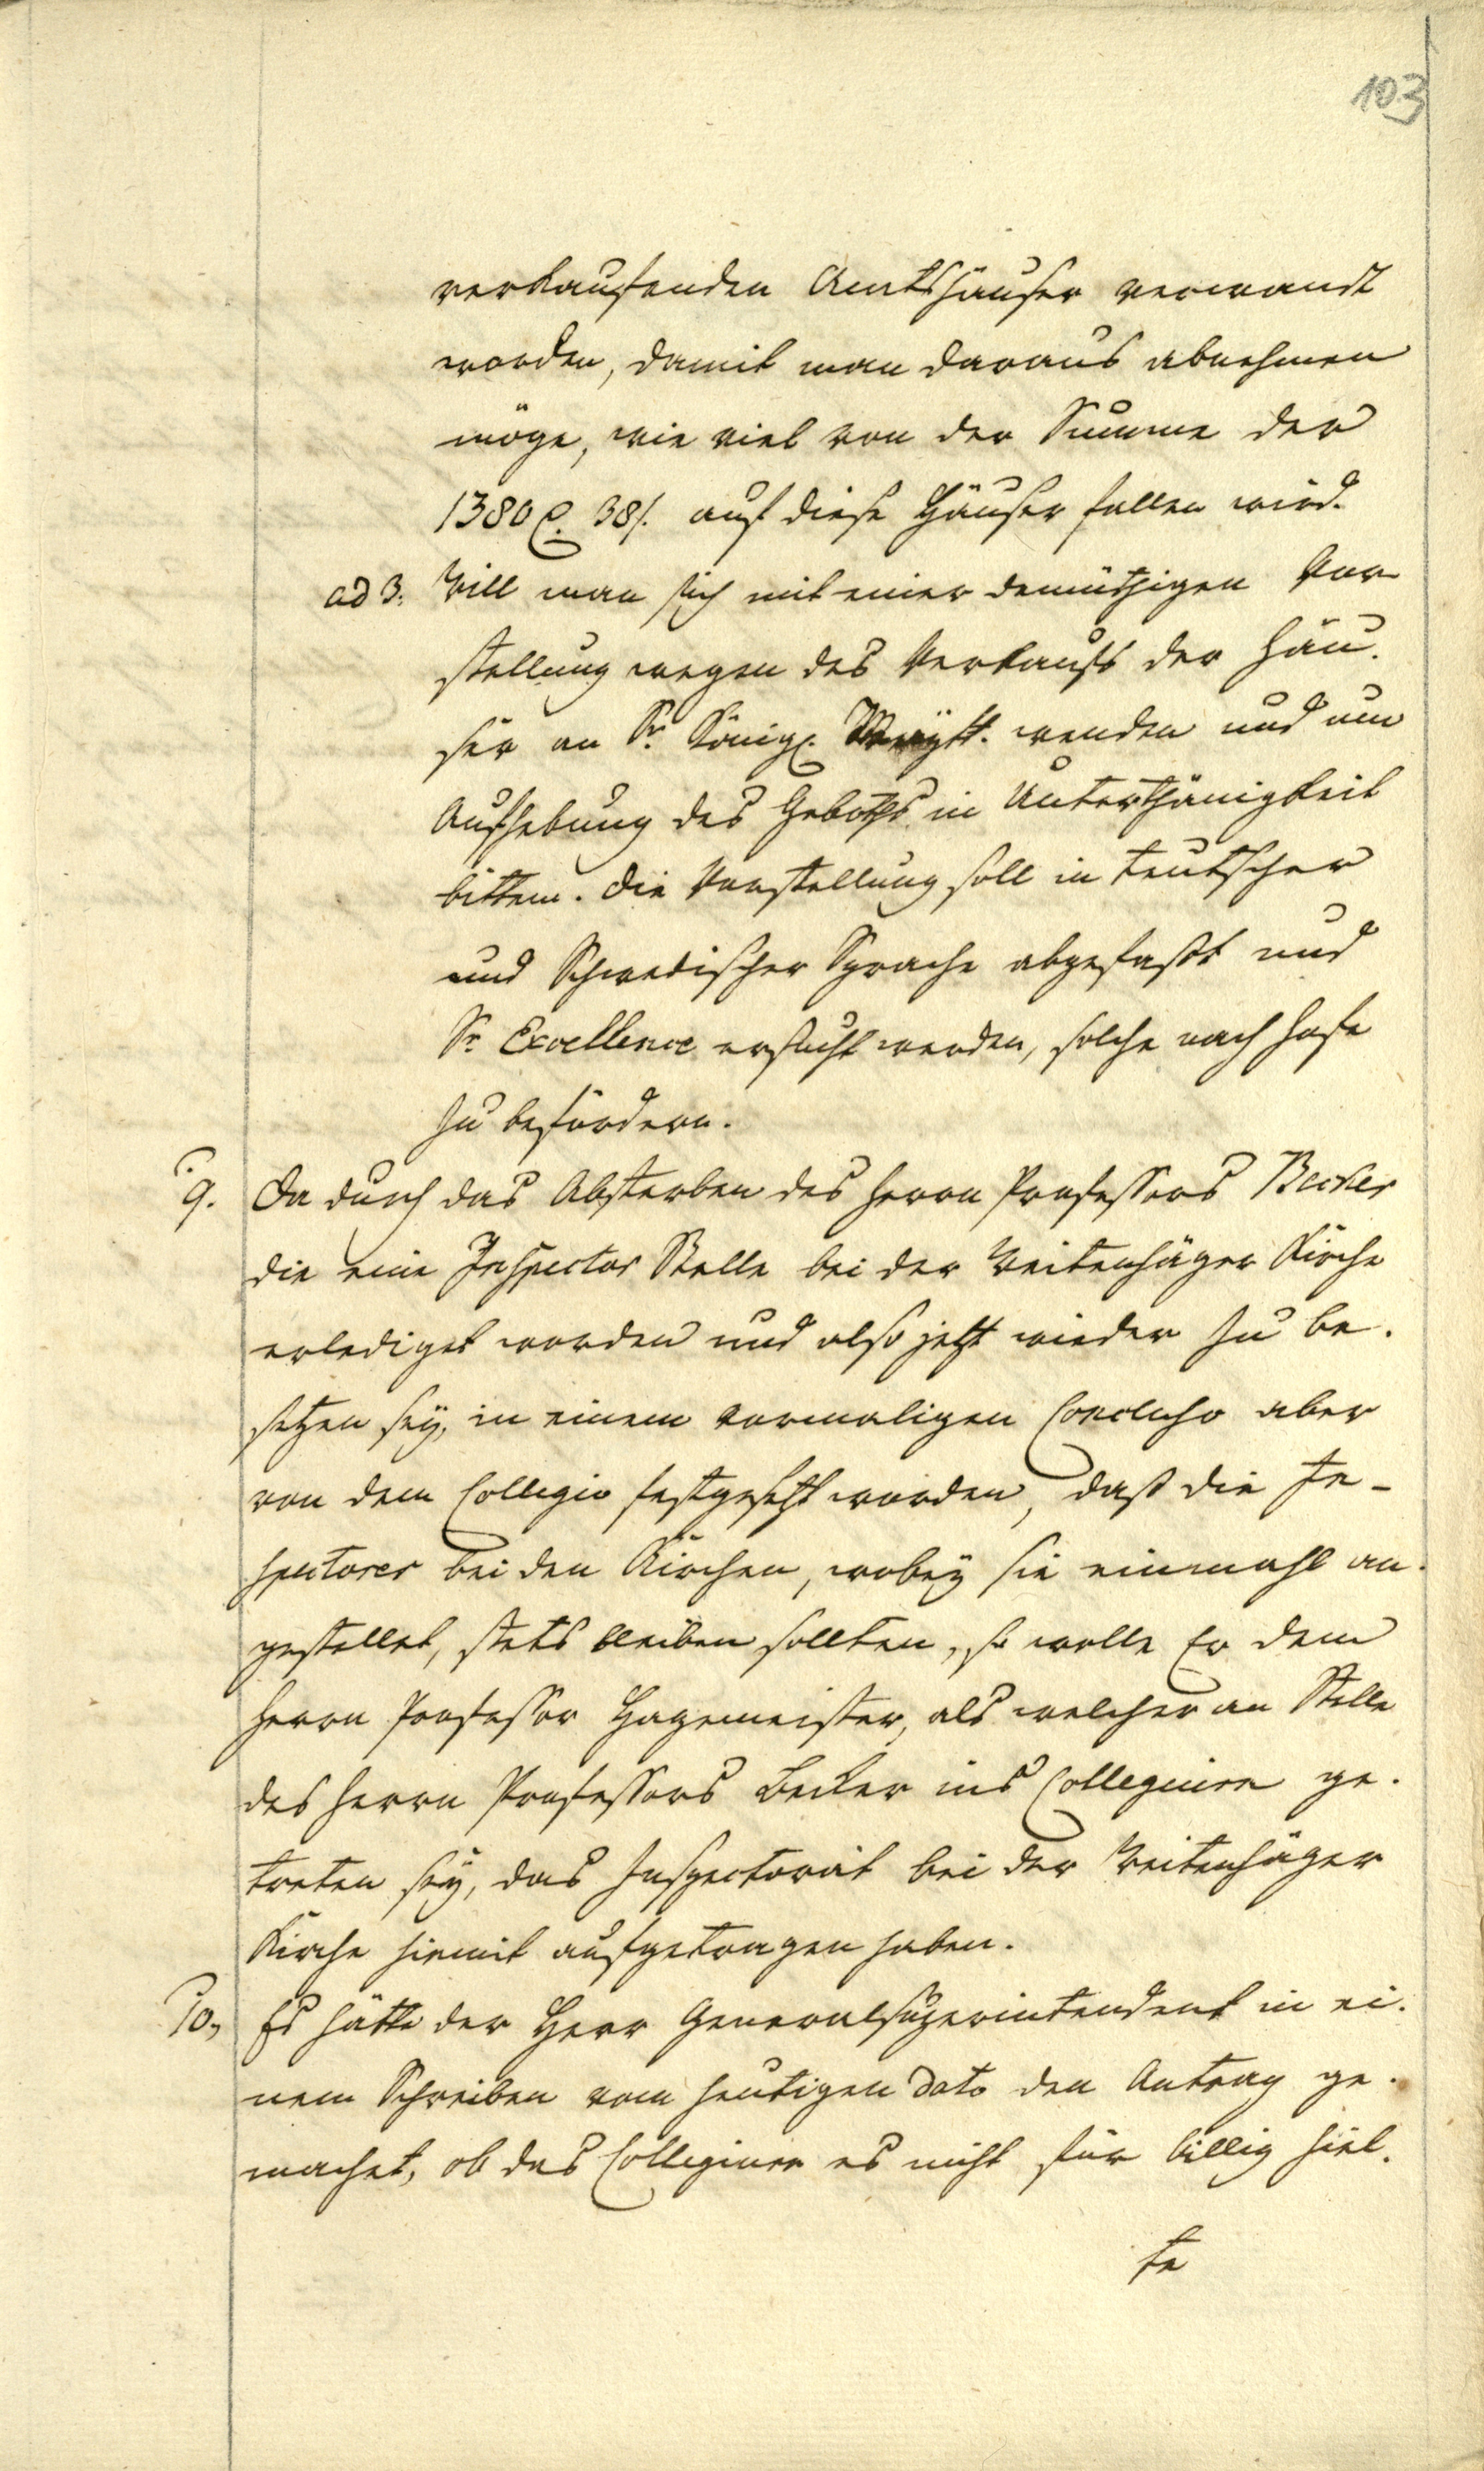verkaufenden Amtshäuser verwandt
worden, damit man daraus abnehmen
möge, wie viel von der Summe der
1380 l. 38 s. auf diese Häuser fallen wird.
ad 3. Will man sich mit einer demüthigen Vor¬
stellung wegen des Verkaufs der Häu¬
ser an Sr Königl. Maÿtt. wenden und um
Aufhebung des Geboths in Unterthänigkeit
bitten. Die Vorstellung soll in teutscher
und Schwedischer Sprache abgefaßt und
Sr Excellence ersucht werden, solche nach Hofe
zu befördern.
9. Da durch das Absterben des Herrn Professors Becker
die eine Inspector Stelle bei der Weitenhäger Kirche
erlediget worden und also jetzt wieder zu be¬
setzen seÿ, im einem vormaligen Concluso aber
von dem Collegio festgesetzt worden daß die In¬
pectores bei den Kirchen, wobey sie einmahl an¬
gestellet, stets bleiben sollten, so wolle Er dem
Herrn Professor Hagemeister als welcher an Stelle
des Herrn Professors Becker ins Collegium ge¬
treten seÿ, das Inspectorat bei der Weitenhäger
Kirche hiemit aufgetragen haben.
10. Es hätte der Herr Generalsuperintendent in ei¬
nem Schreiben vom heutigen dato den Antrag ge¬
machet, ob das Collegium es nicht für billig hiel¬
te